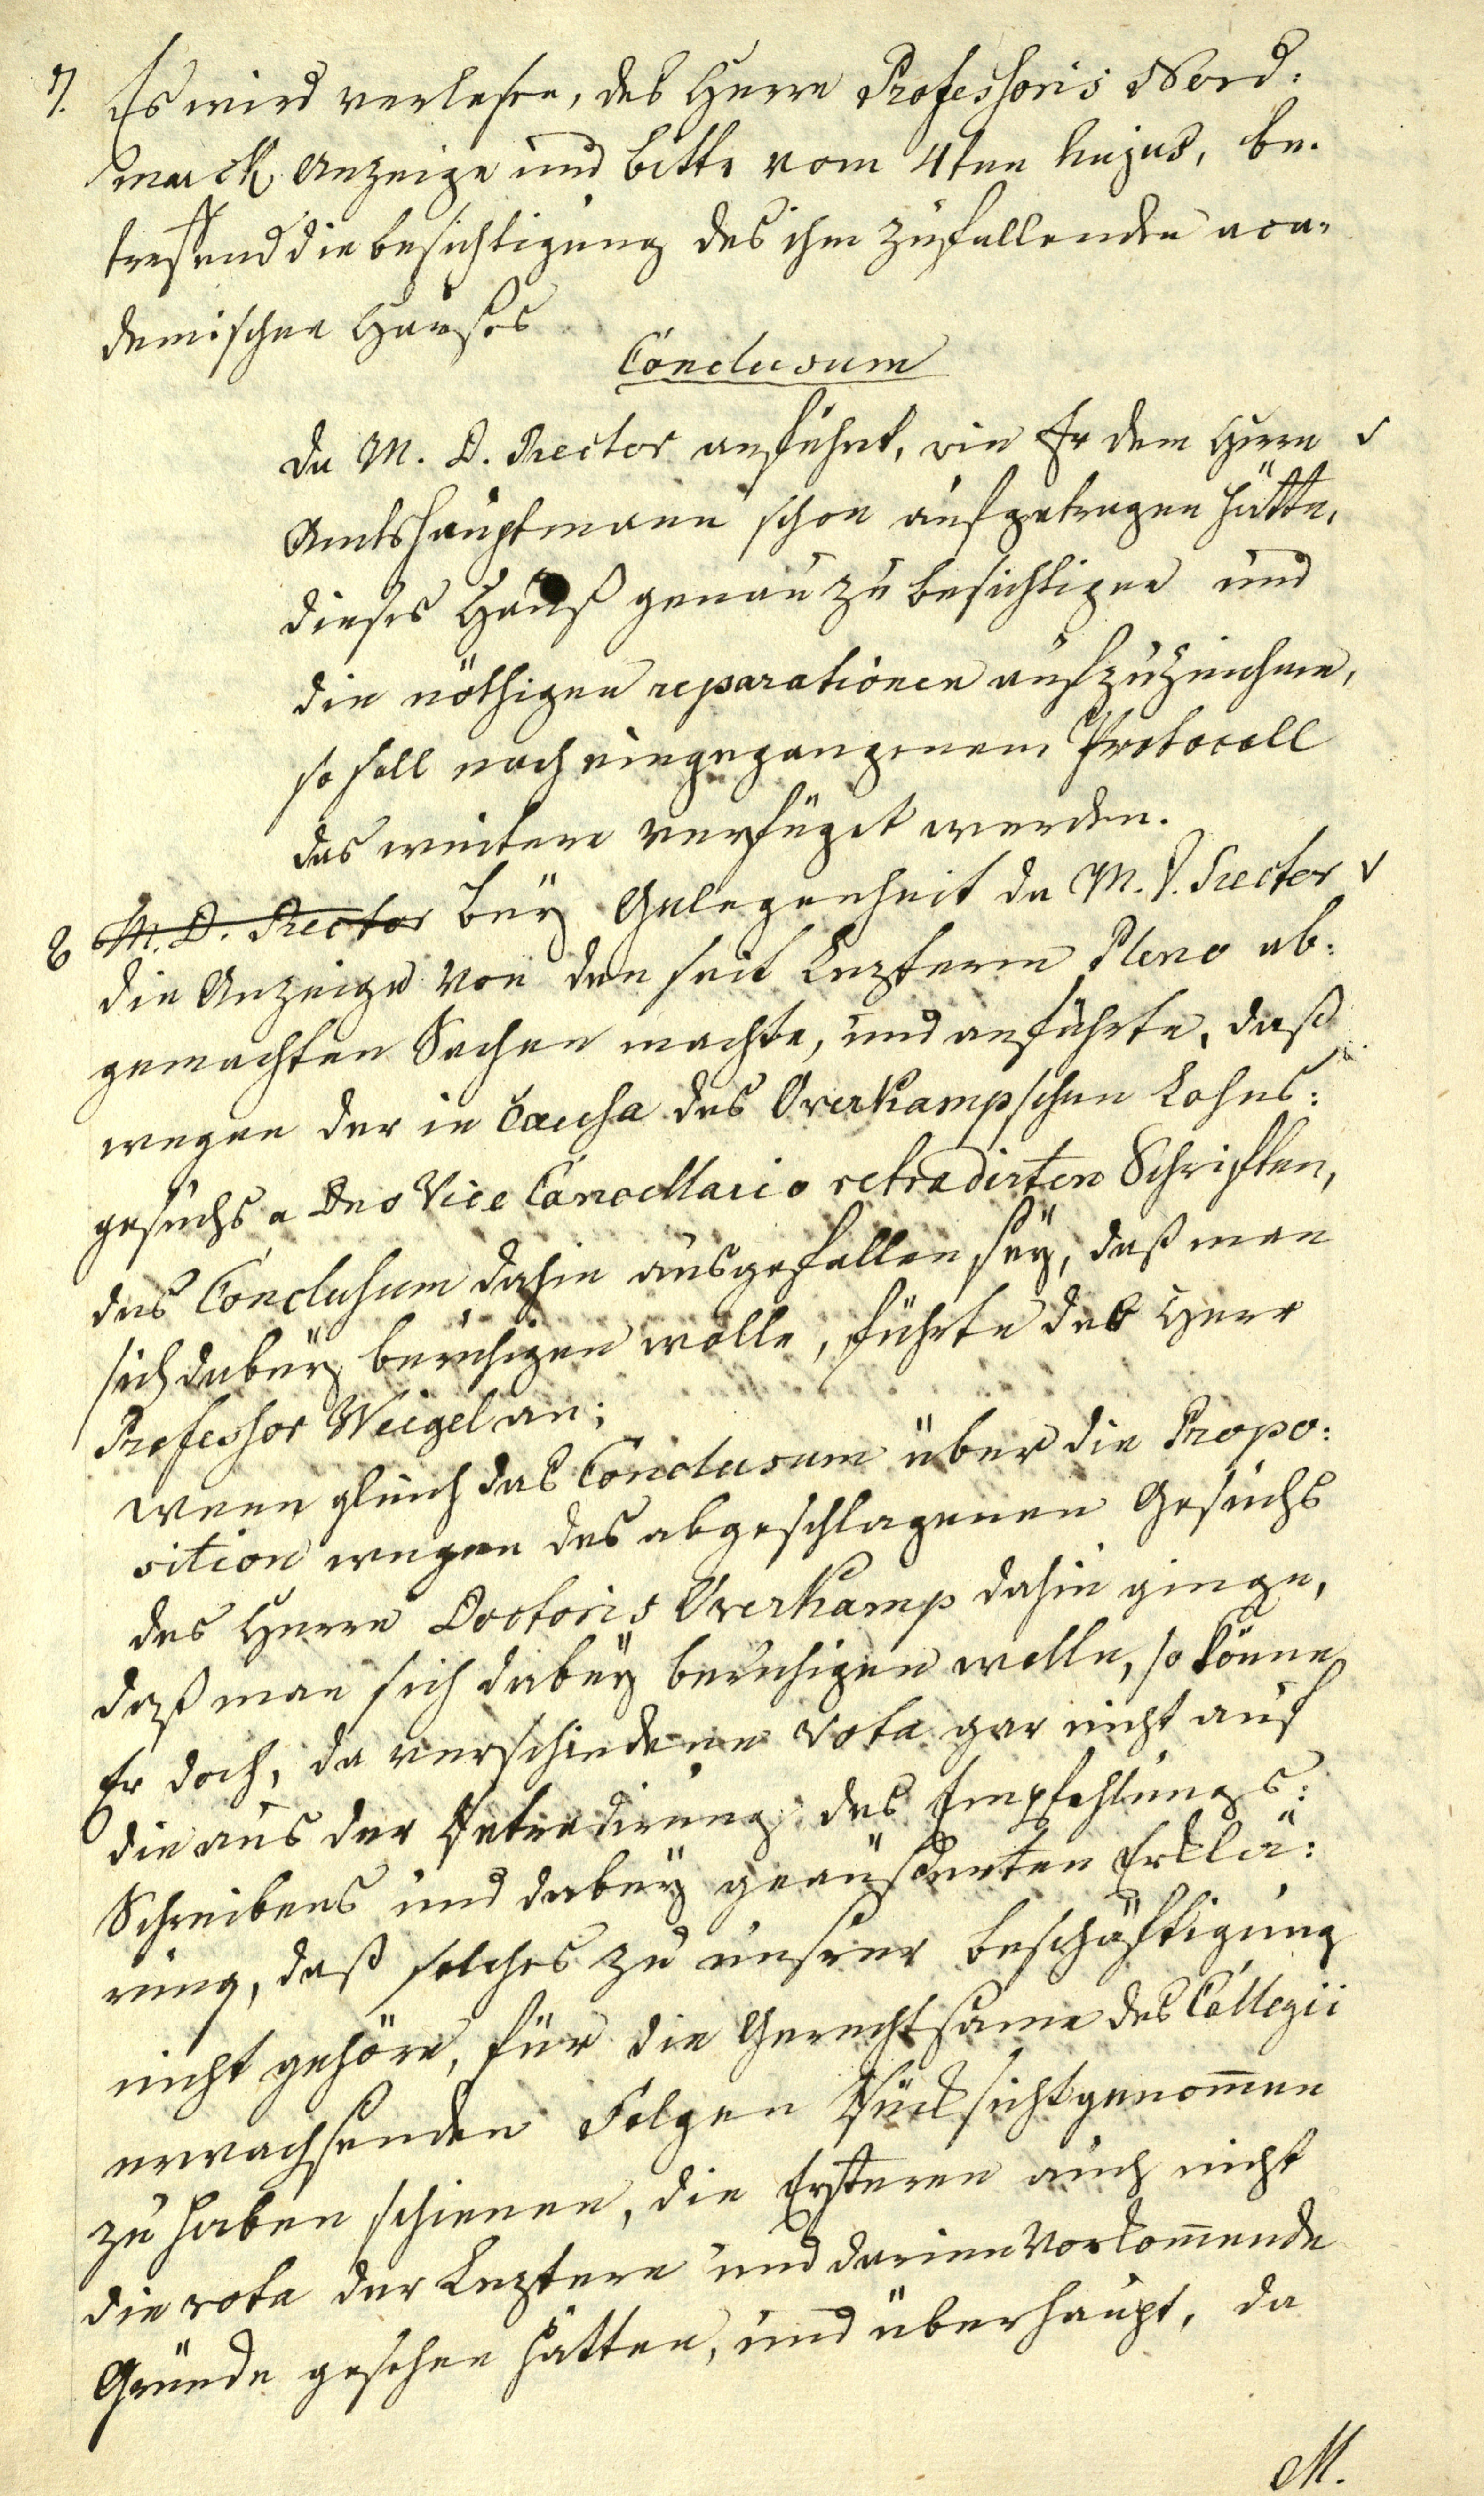7. Es wird verlesen, des Herrn Professoris Nord¬
marck Anzeige und Bitte vom 4ten hujus, be¬
treffend die Besichtigung des ihm zufallenden aca¬
demischen Haußes.
Conclusum
Da M. D. Rector anführet, wie Er dem Herrn
Amtshauptmann schon aufgetragen hätte,
dieses Haus genau zu besichtigen und
die nöthigen reparationen aufzuzeichnen,
so soll nach eingegangenem Protocoll
das weitere verfüget werden.
8. M. D. Rector Beÿ Gelegenheit da M. D. Rector
die Anzeige von den seit lezterm Pleno ab¬
gemachten Sachen machte, und anführte, daß
wegen der in Causa des Overkampschen Lohns¬
gesuchs a Dno ViceCancellarii retradirten Schriften,
das Conclusum dahin ausgefallen seÿ, daß man
sich daher beruhigen wolle, führte des Herr
Professor Weigel an:
wenn gleich das Conclusum über die Propo¬
sition wegen des abgeschlagenen Gesuchs
des Herrn Doctoris Overkamp dahin ginge,
daß man sich dabeÿ beruhigen wolle, so könne
Er doch, da verschiedene Vota gar nicht auf
die aus der Retradirung des Empfehlungs¬
Schreibens und dabeÿ geäußerten Erklä¬
rung, daß solches zu unsrer Beschäftigung
nicht gehöre, für die Gerechtsame des Collegii
erwachsenden Folgen Rücksicht genomen
zu haben schienen, die Ersteren auch nicht
die vota der Leztern und darin vorkomende
Gründe gesehen hätten, und überhaupt, da
M.